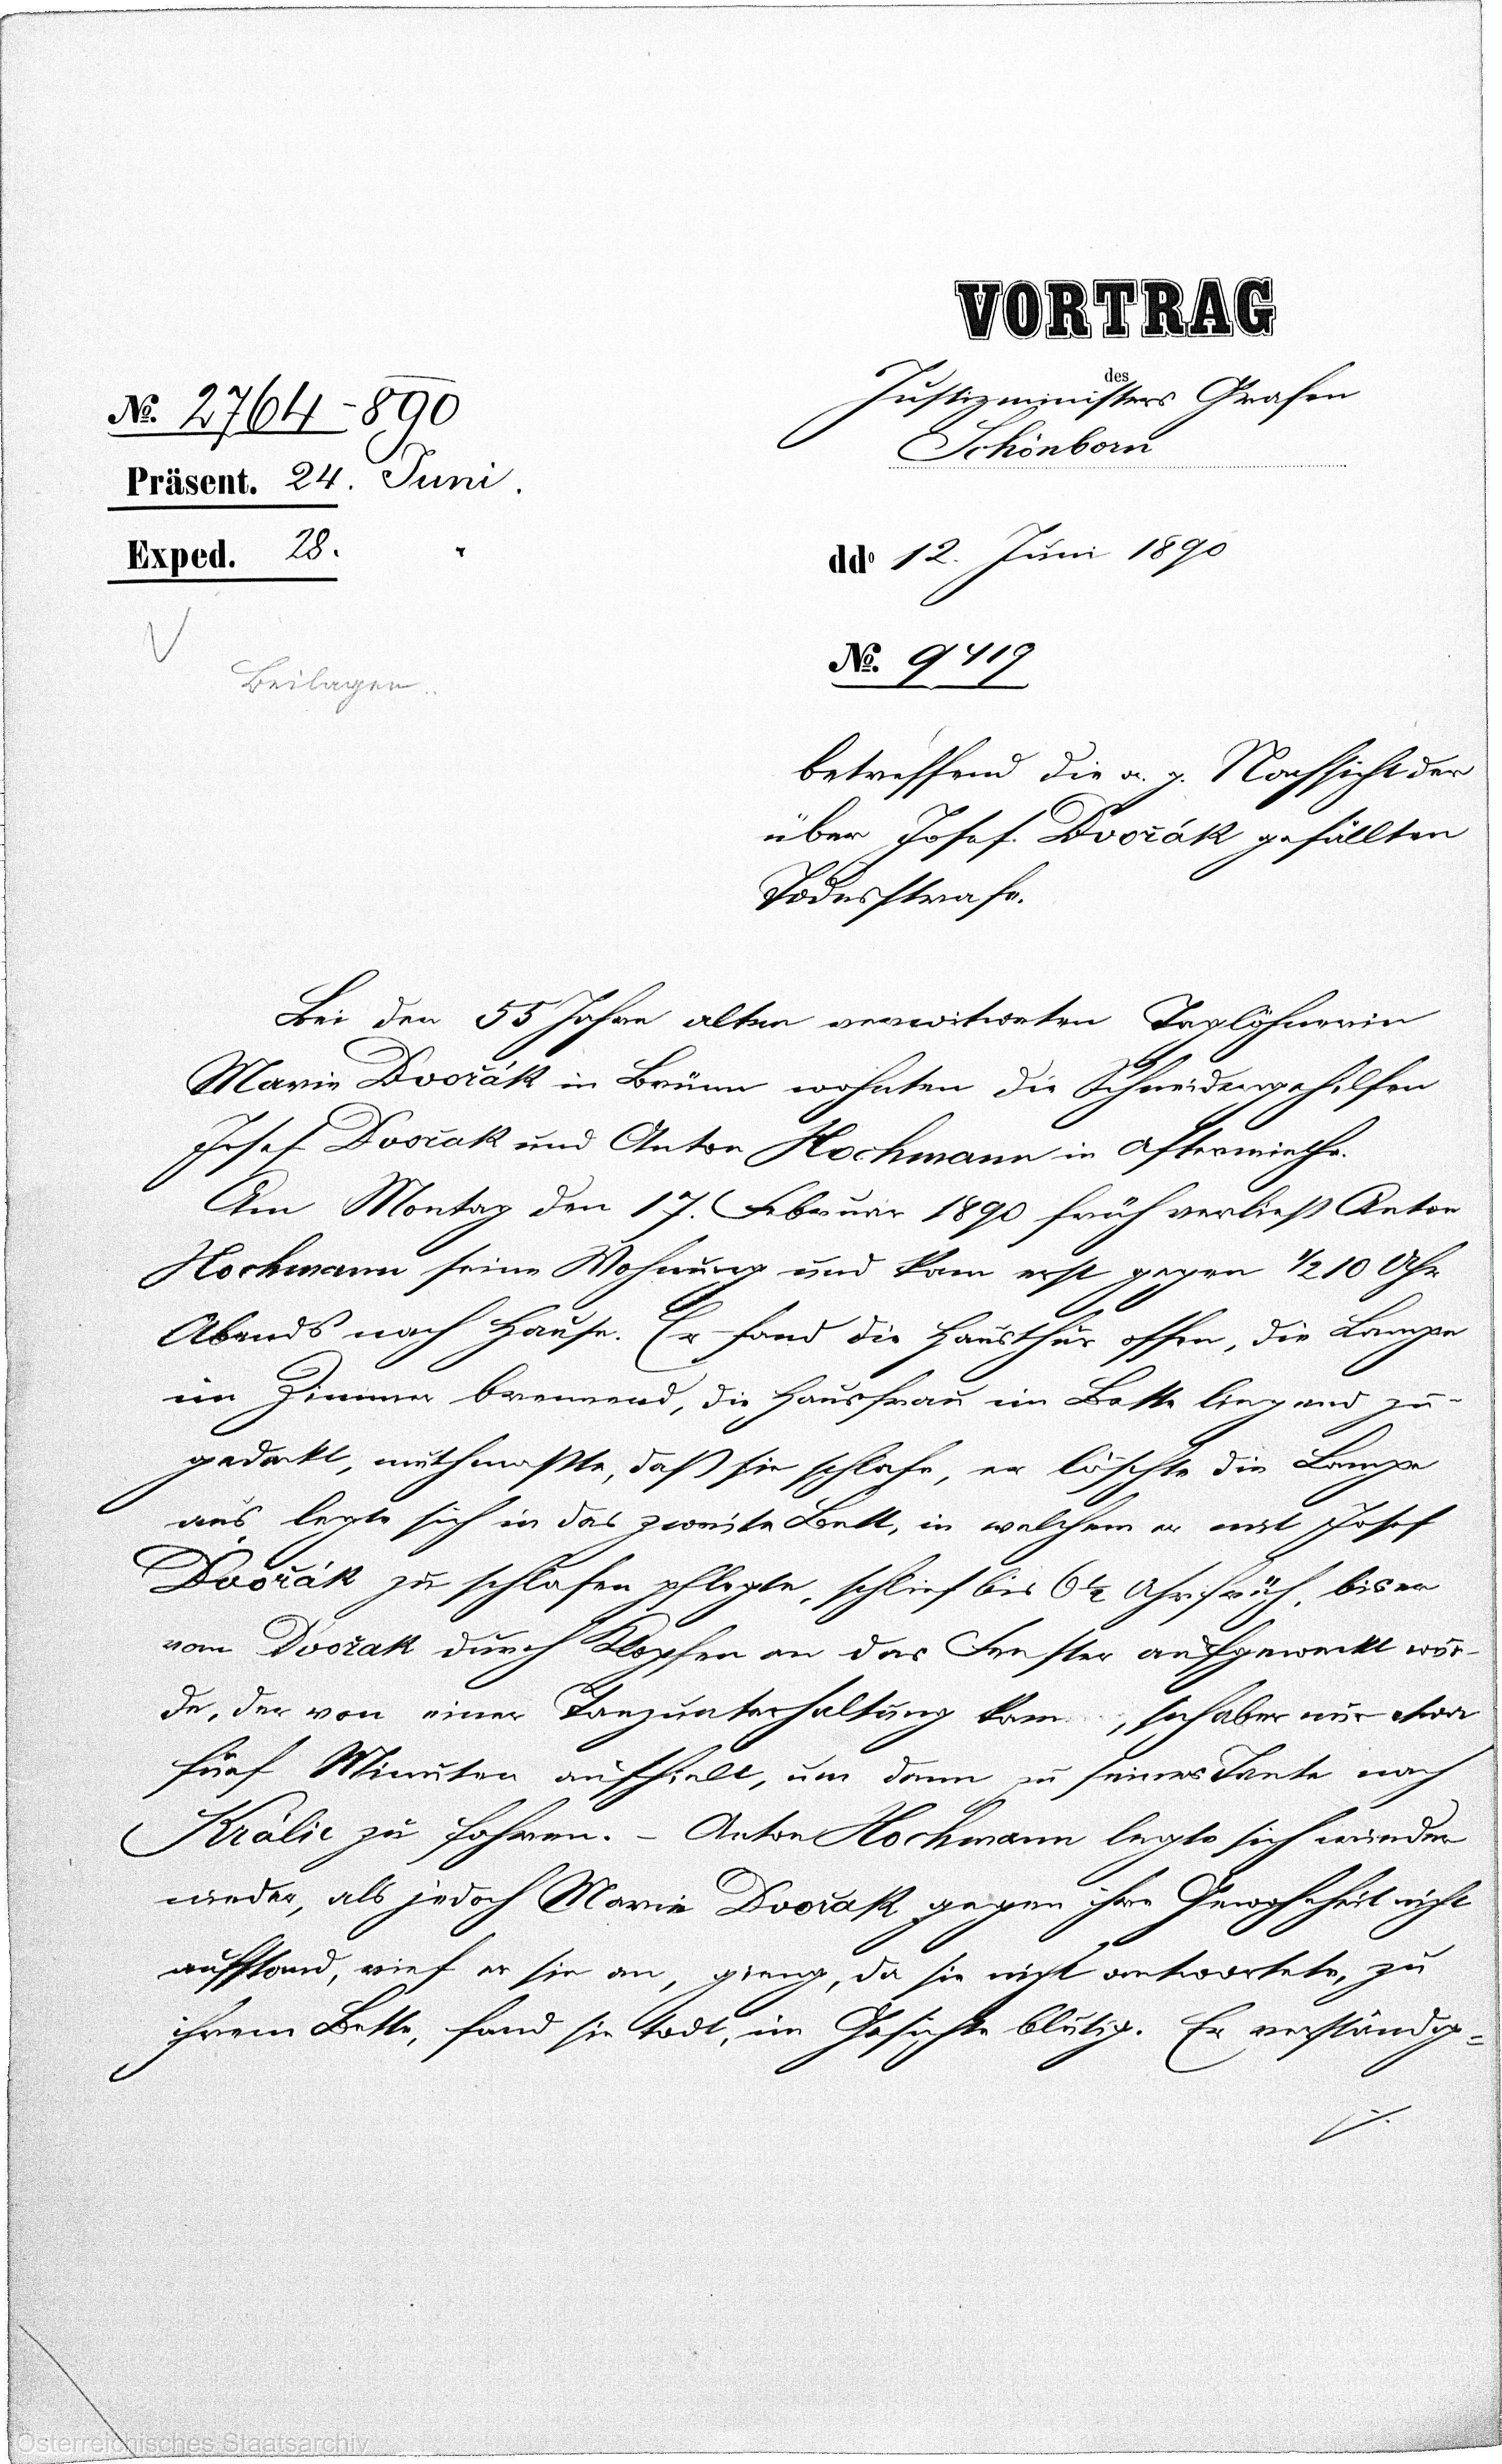VORTRAG
des
Justizminister Grafen
Schönborn
dd° 12. Juni 1890
N° 9419
betreffen die a. g. Nachsicht der
über Josef. Dvořák gefällten
Todesstrafe.
Bei den 55 Jahre alten verwitweten Taglöhnerin
Marie Dvořák in Brünn wohnten die Schneidergehilfen
Josef Dvořák und Anton Hochmann in Osterwiethe.
Am Montag den 17. Februar 1890 früh verließ Anton
Hochmann seine Wohnung und kam erst gegen 1/2 10 Uhr
Abends nach Hause. Er fand die Hausthur offen, die Lange
ein Zimmer brewend, die Hausfrau ein Bosse liegend zu¬
gedeckt, muthmaßte, daß sie schlafe, er löschte die Lange
aus legte sich in das zweite Bett, in welchem er mit Josef
Dvořák zu schlafen pflegte, schlief bis 6 1/2 Uhr früh, bis er
vom Dvořak durch Klopfen an das Fenster aufgeweckt wür¬
de, der von einer Tanzunterhaltung kam, Schaber nur dar
fünf Minuten aufhielt, um dann zu seines Trete noch
Králic zu fahren. - Anton Hochmann legte sich wieder
nieder, als jedoch Marie Dvořak gegen ihre Gewohnheit nicht
aufstand, rief er sie an, grenz, da sie nicht antwortete, zu
ihrem Bette, fand sie todt, im Gesichte blutig. Er verständig¬
N° 2764-890
Präsent. 24. Juni.
Exped. 28. Juni.
Beilagen.